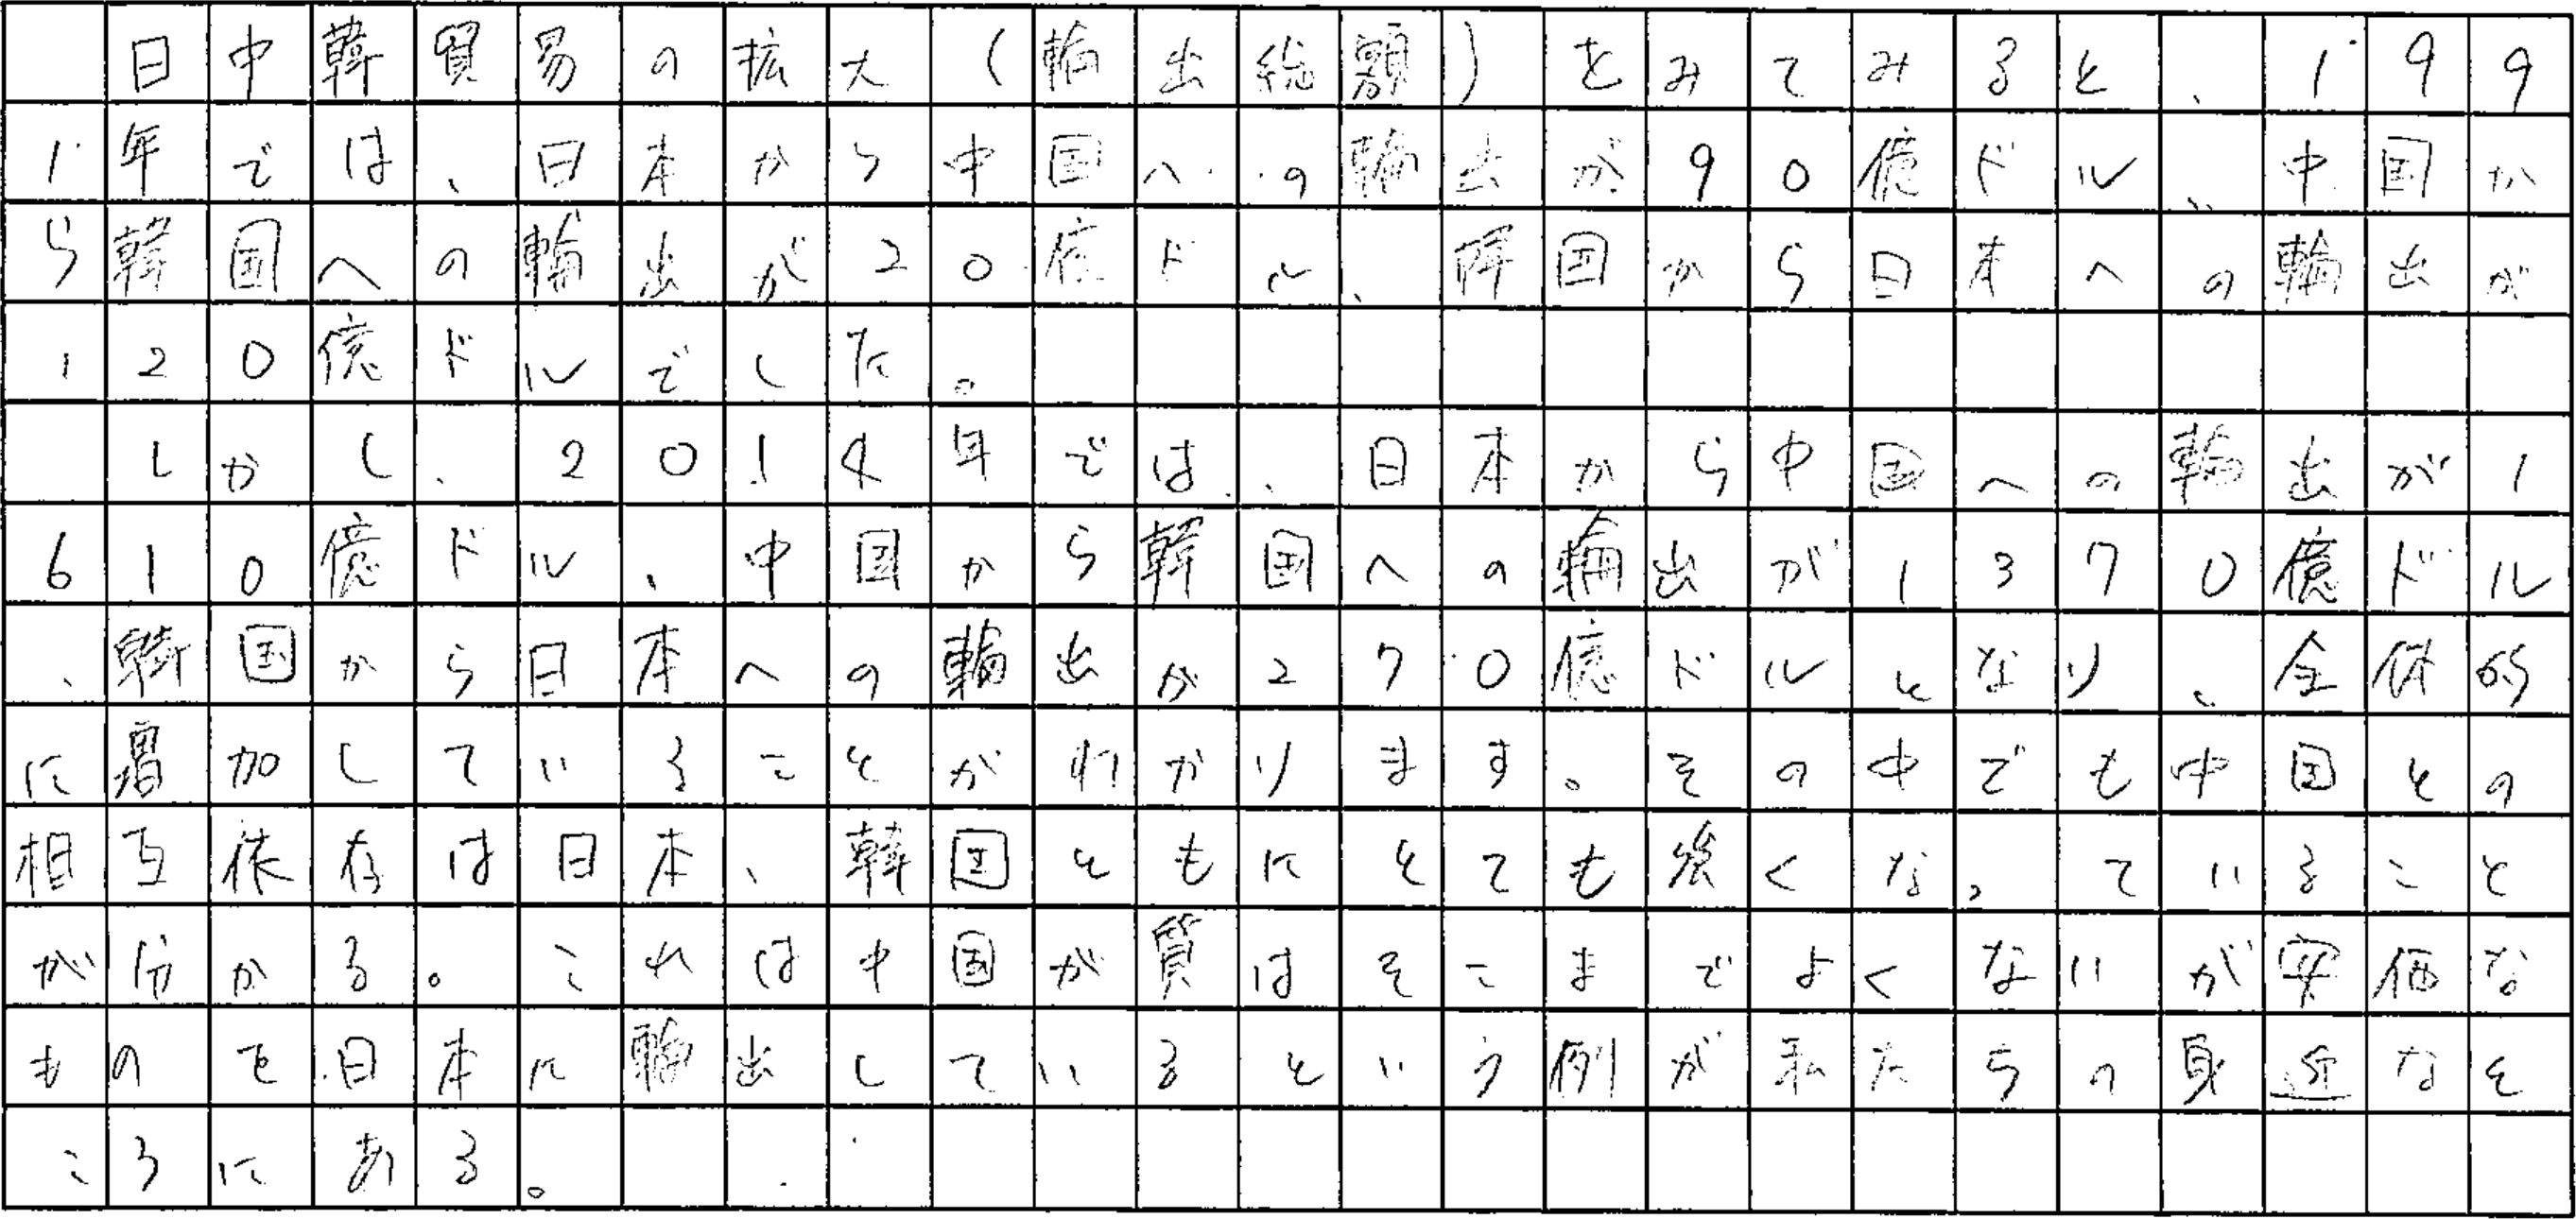　日中韓貿易の拡大（輪出総額）をみてみると、１９９１年では、日本から中国への輪出が９０億ドル、中国から韓国への輪出が２０億ドル、韓国から日本への輪出が１２０億ドルでした。
　しかし、２０１４年では、日本から中国への輪出が１６１０億ドル、中国から韓国への輪出が１３７０億ドル、韓国から日本への輪出が２７０億ドルとなり、全体的に増加していることがわかります。その中でも中国との相互依存は日本、韓国ともにとても強くなっていることが分かる。これは中国が質はそこまでよくないが安価なものを日本に輪出しているという例が私たちの身近なところにある。
